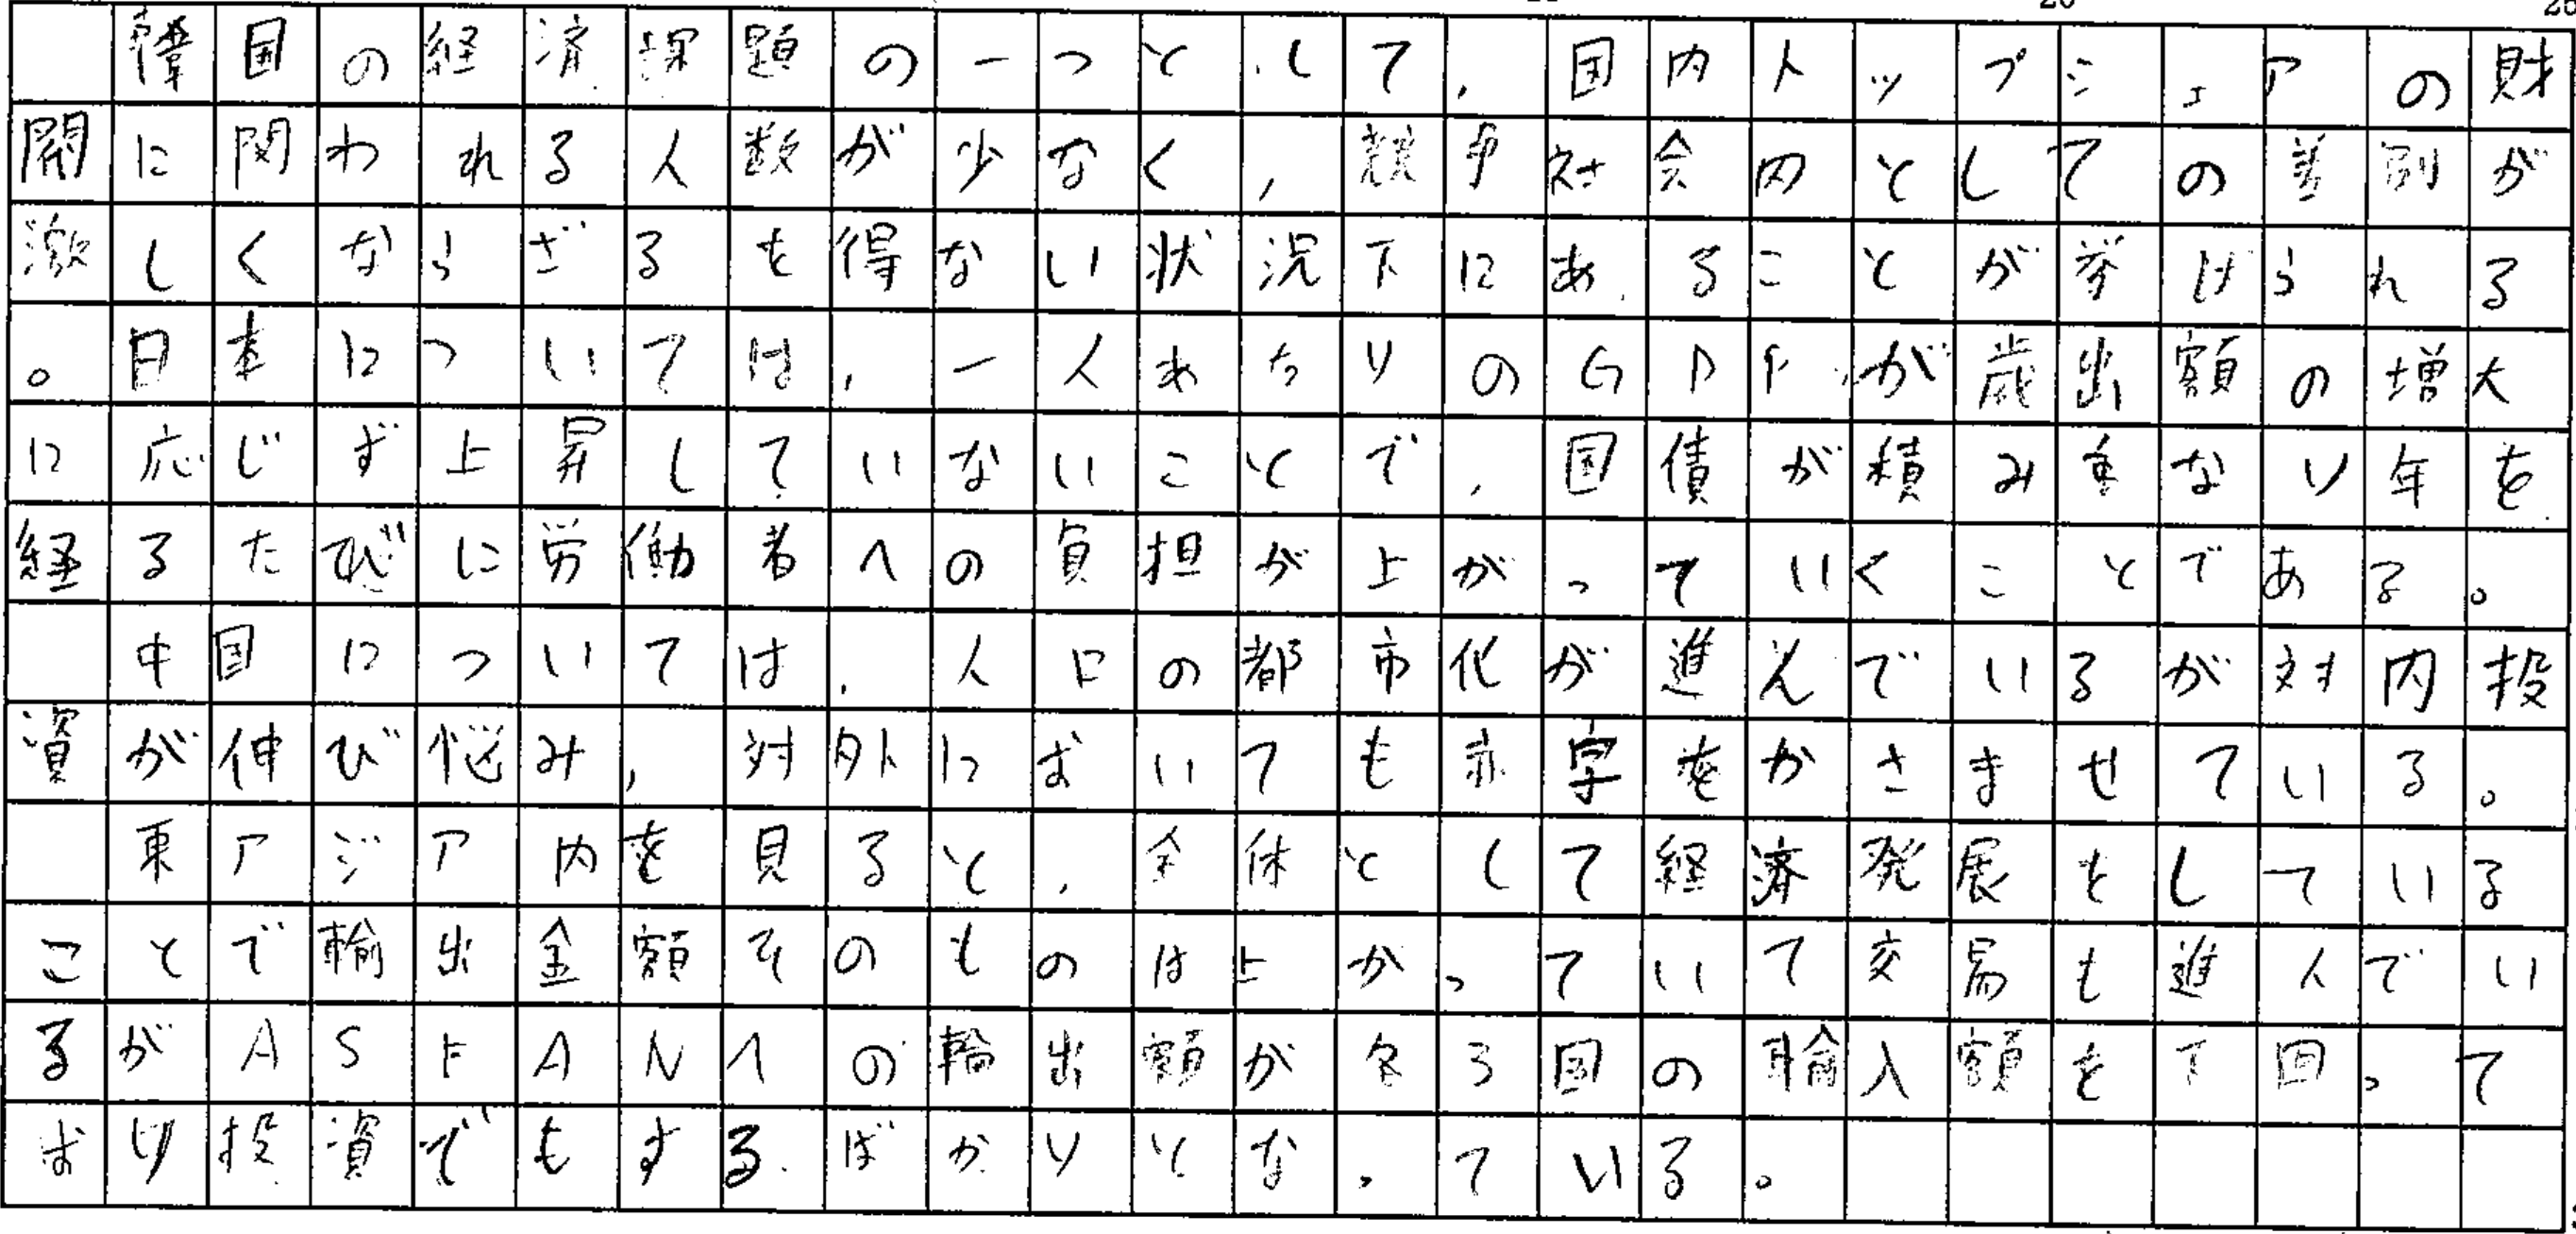　韓国の経済課題の一つとして，国内トップシェアの財▁に関われる人数が少なく，競争社会内としての差別が激しくならざるを得ない状況下にあることが挙げられる。日本については，一人あたりのＧＤＰが歳出額の増大に応じず上昇していないことで，国債が積み重なり年を経るたびに労働者への負担が上がっていくことである。
　中国については，人口の都市化が進んでいるが対内投資が伸び悩み，対外においても赤字をかさませている。
　東アジア内を見ると，全体として経済発展をしていることで輸出金額そのものは上かっていて交易も進んでいるがＡＳFＡＮへの輸出額が各３国の輸入額を下回っており投資でもするばかりとなっている。
